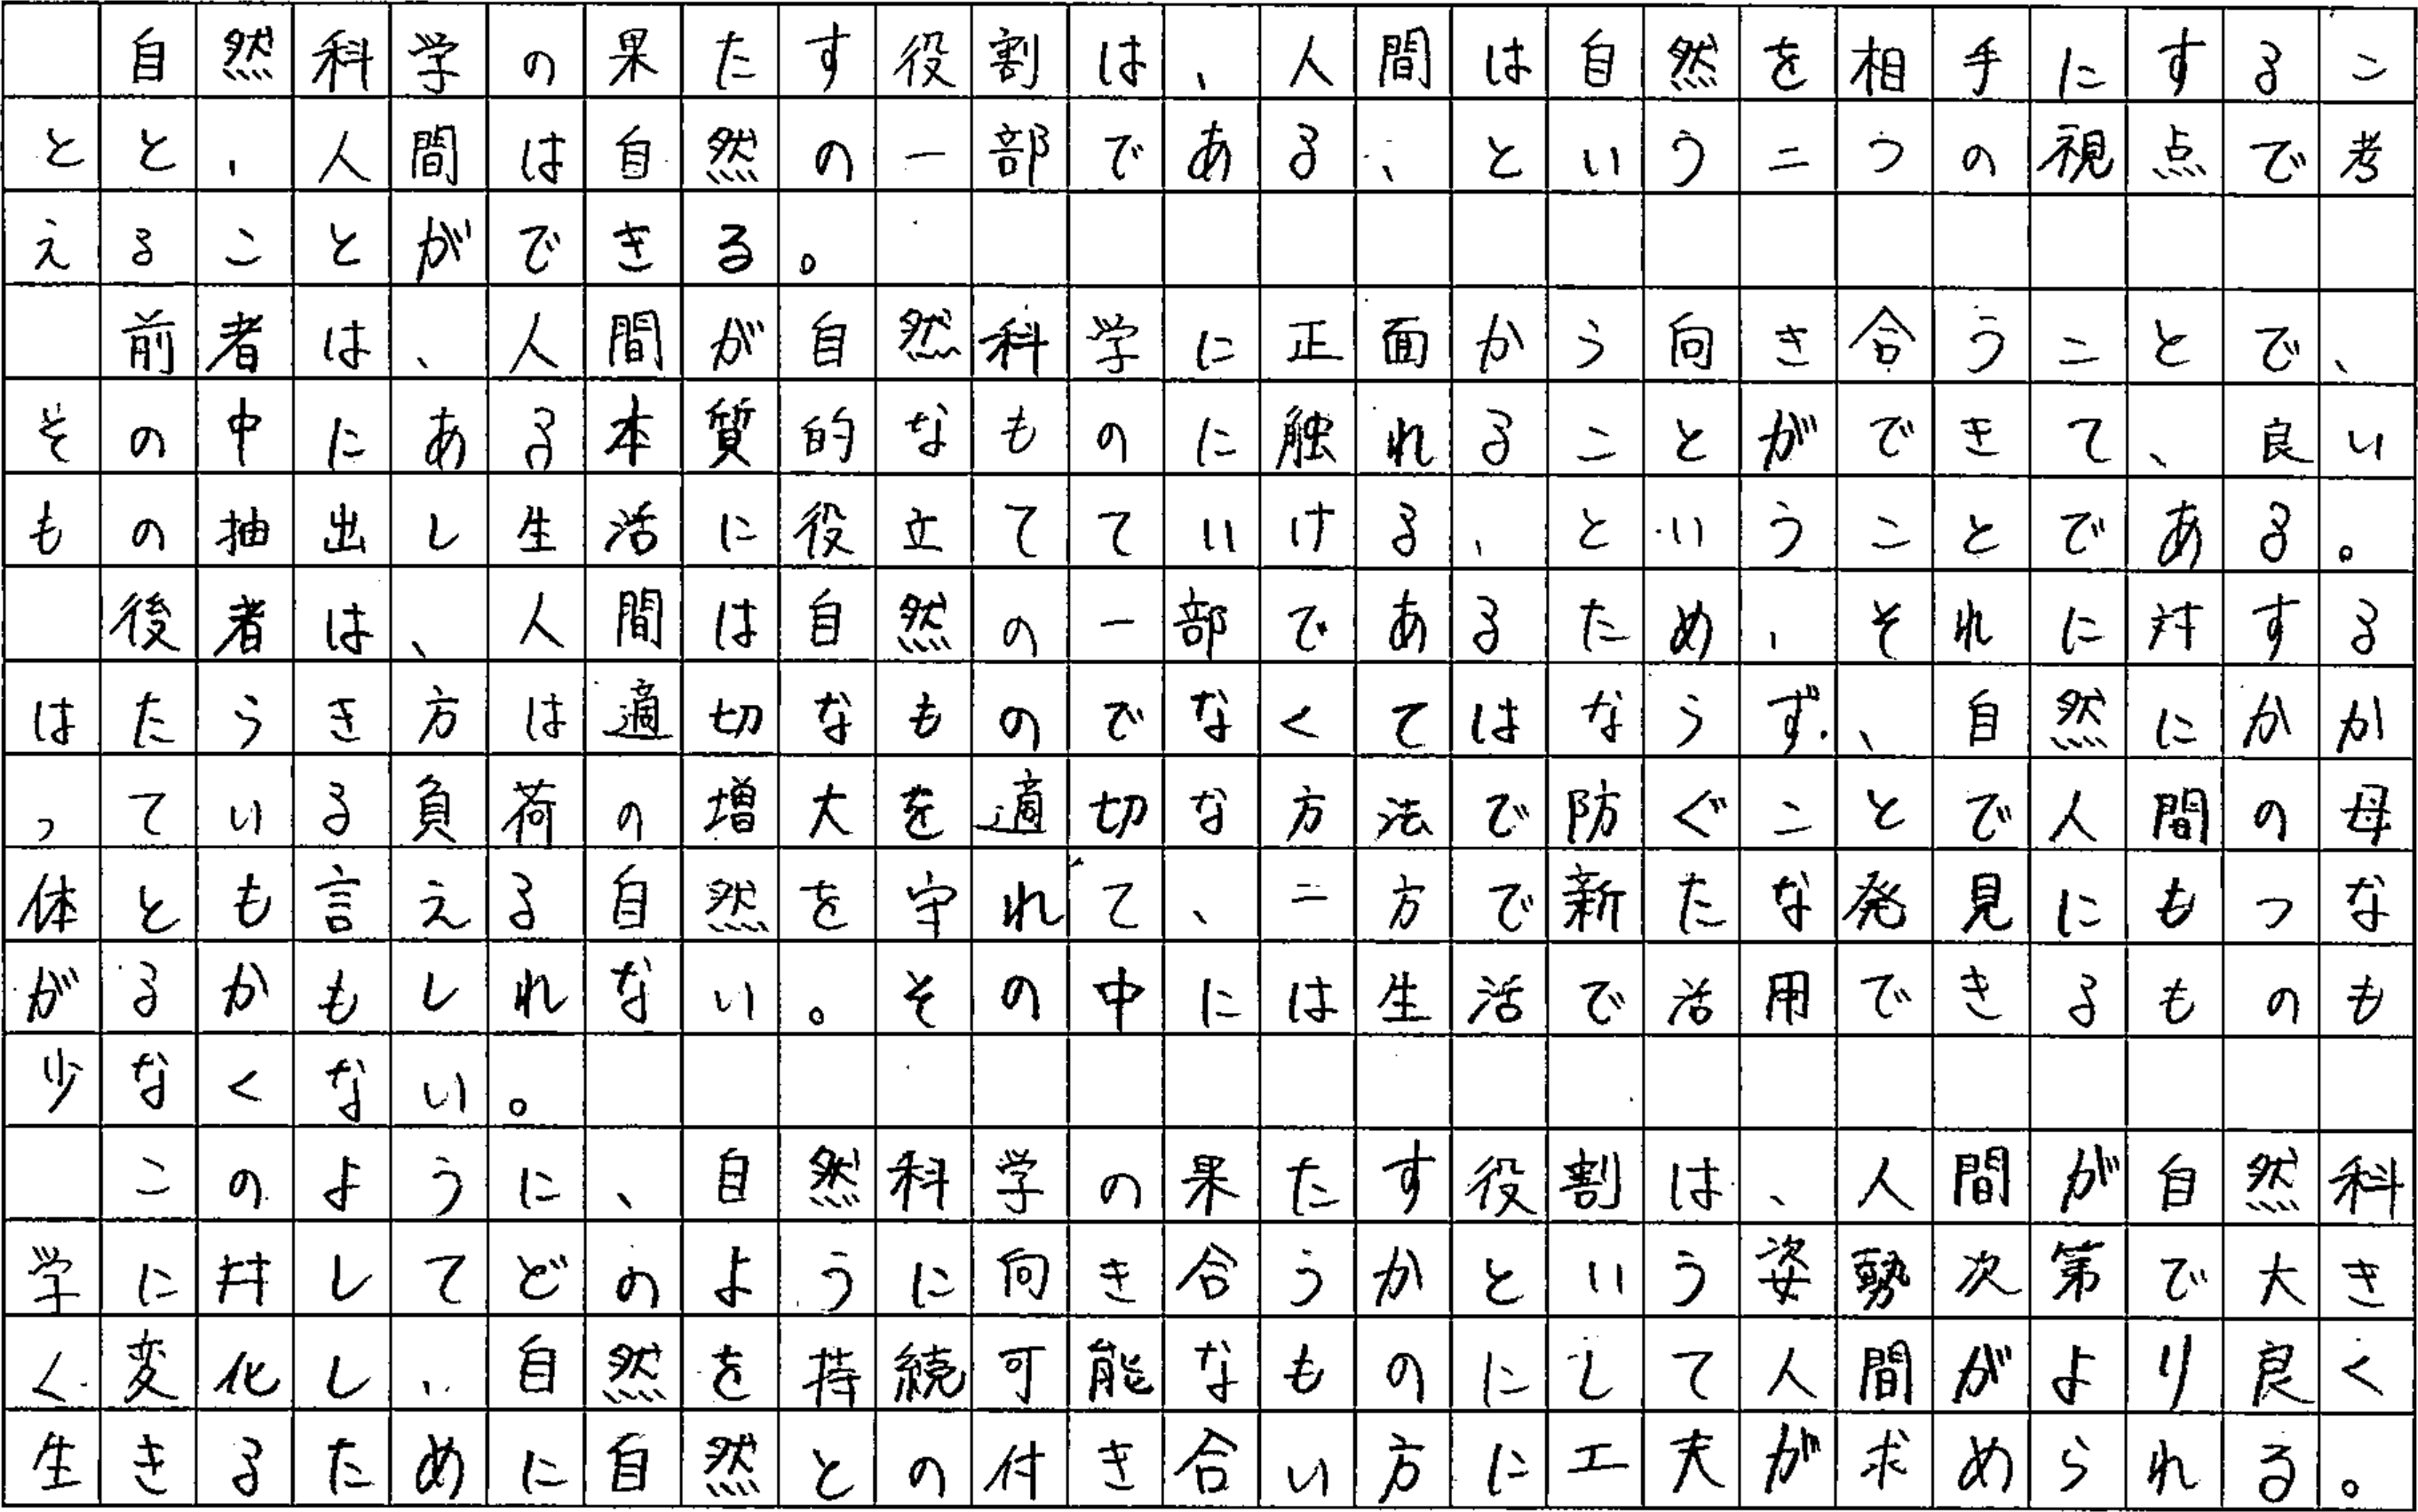　自然科学の果たす役割は、人間は自然を相手にすることと、人間は自然の一部である、という二つの視点で考えることができる。
　前者は、人間が自然科学に正面から向き合うことで、その中にある本質的なものに触れることができて、良いもの抽出し生活に役立てていける、ということである。
　後者は、人間は自然の一部であるため、それに対するはたらき方は適切なものでなくてはならず、自然にかかっている負荷の増大を適切な方法で防ぐことで人間の母体とも言える自然を守れて、一方で新たな発見にもつながるかもしれない。その中には生活で活用できるものも少なくない。
　このように、自然科学の果たす役割は、人間が自然科学に対してどのように向き合うかという姿勢次第で大きく変化し、自然を持続可能なものにして人間がより良く生きるために自然との付き合い方に工夫が求められる。
